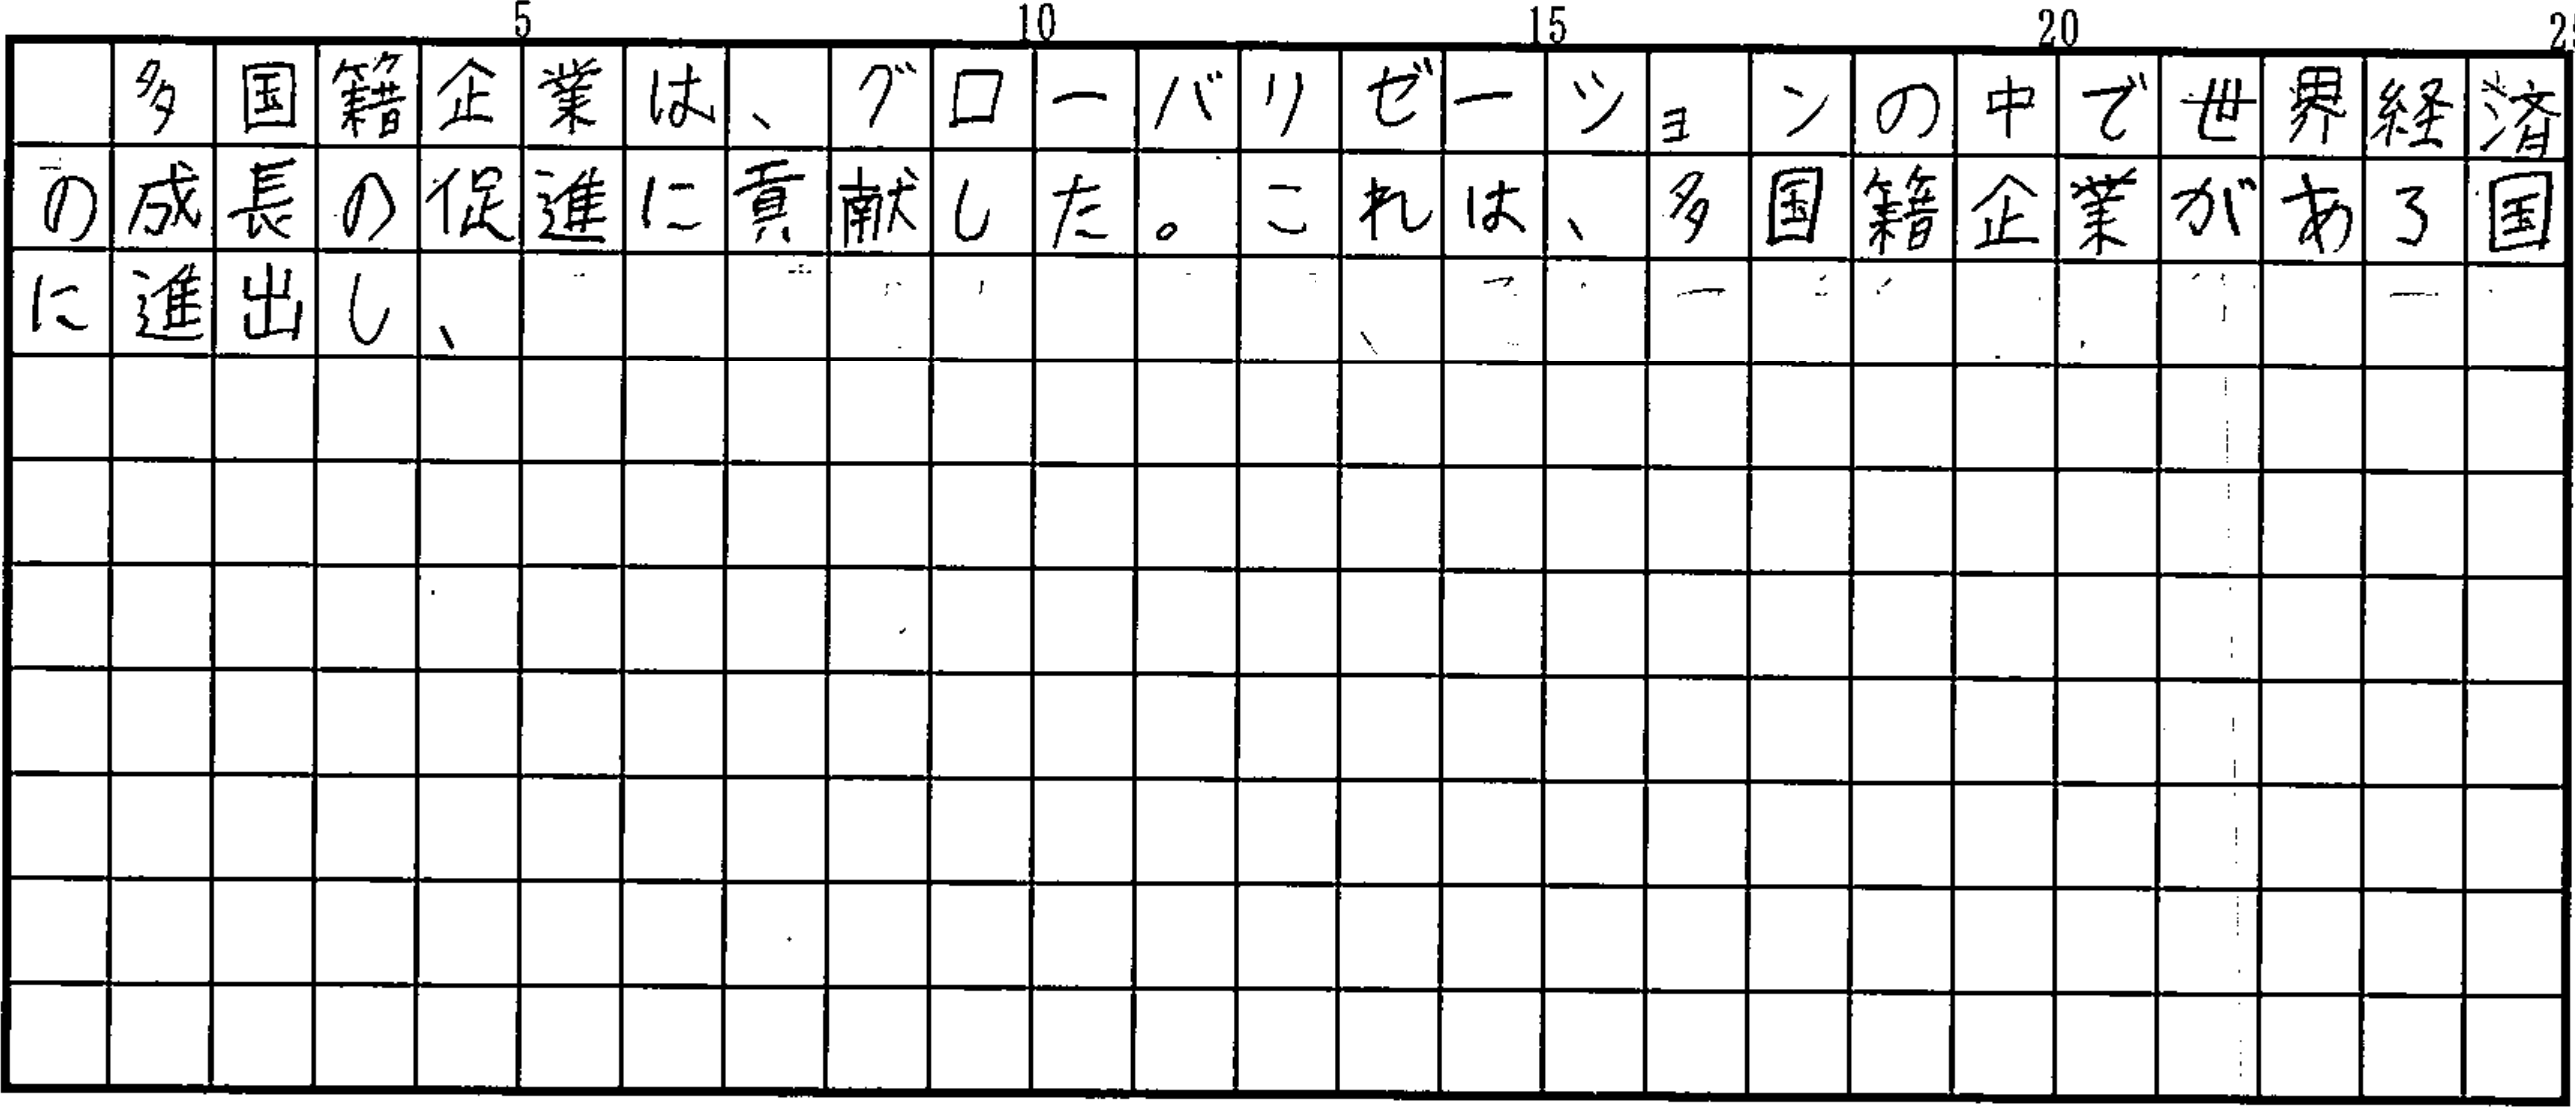　多国籍企業は、グローバリゼーションの中で世界経済の成長の促進に貢献した。これは、多国籍企業がある国に進出し、
